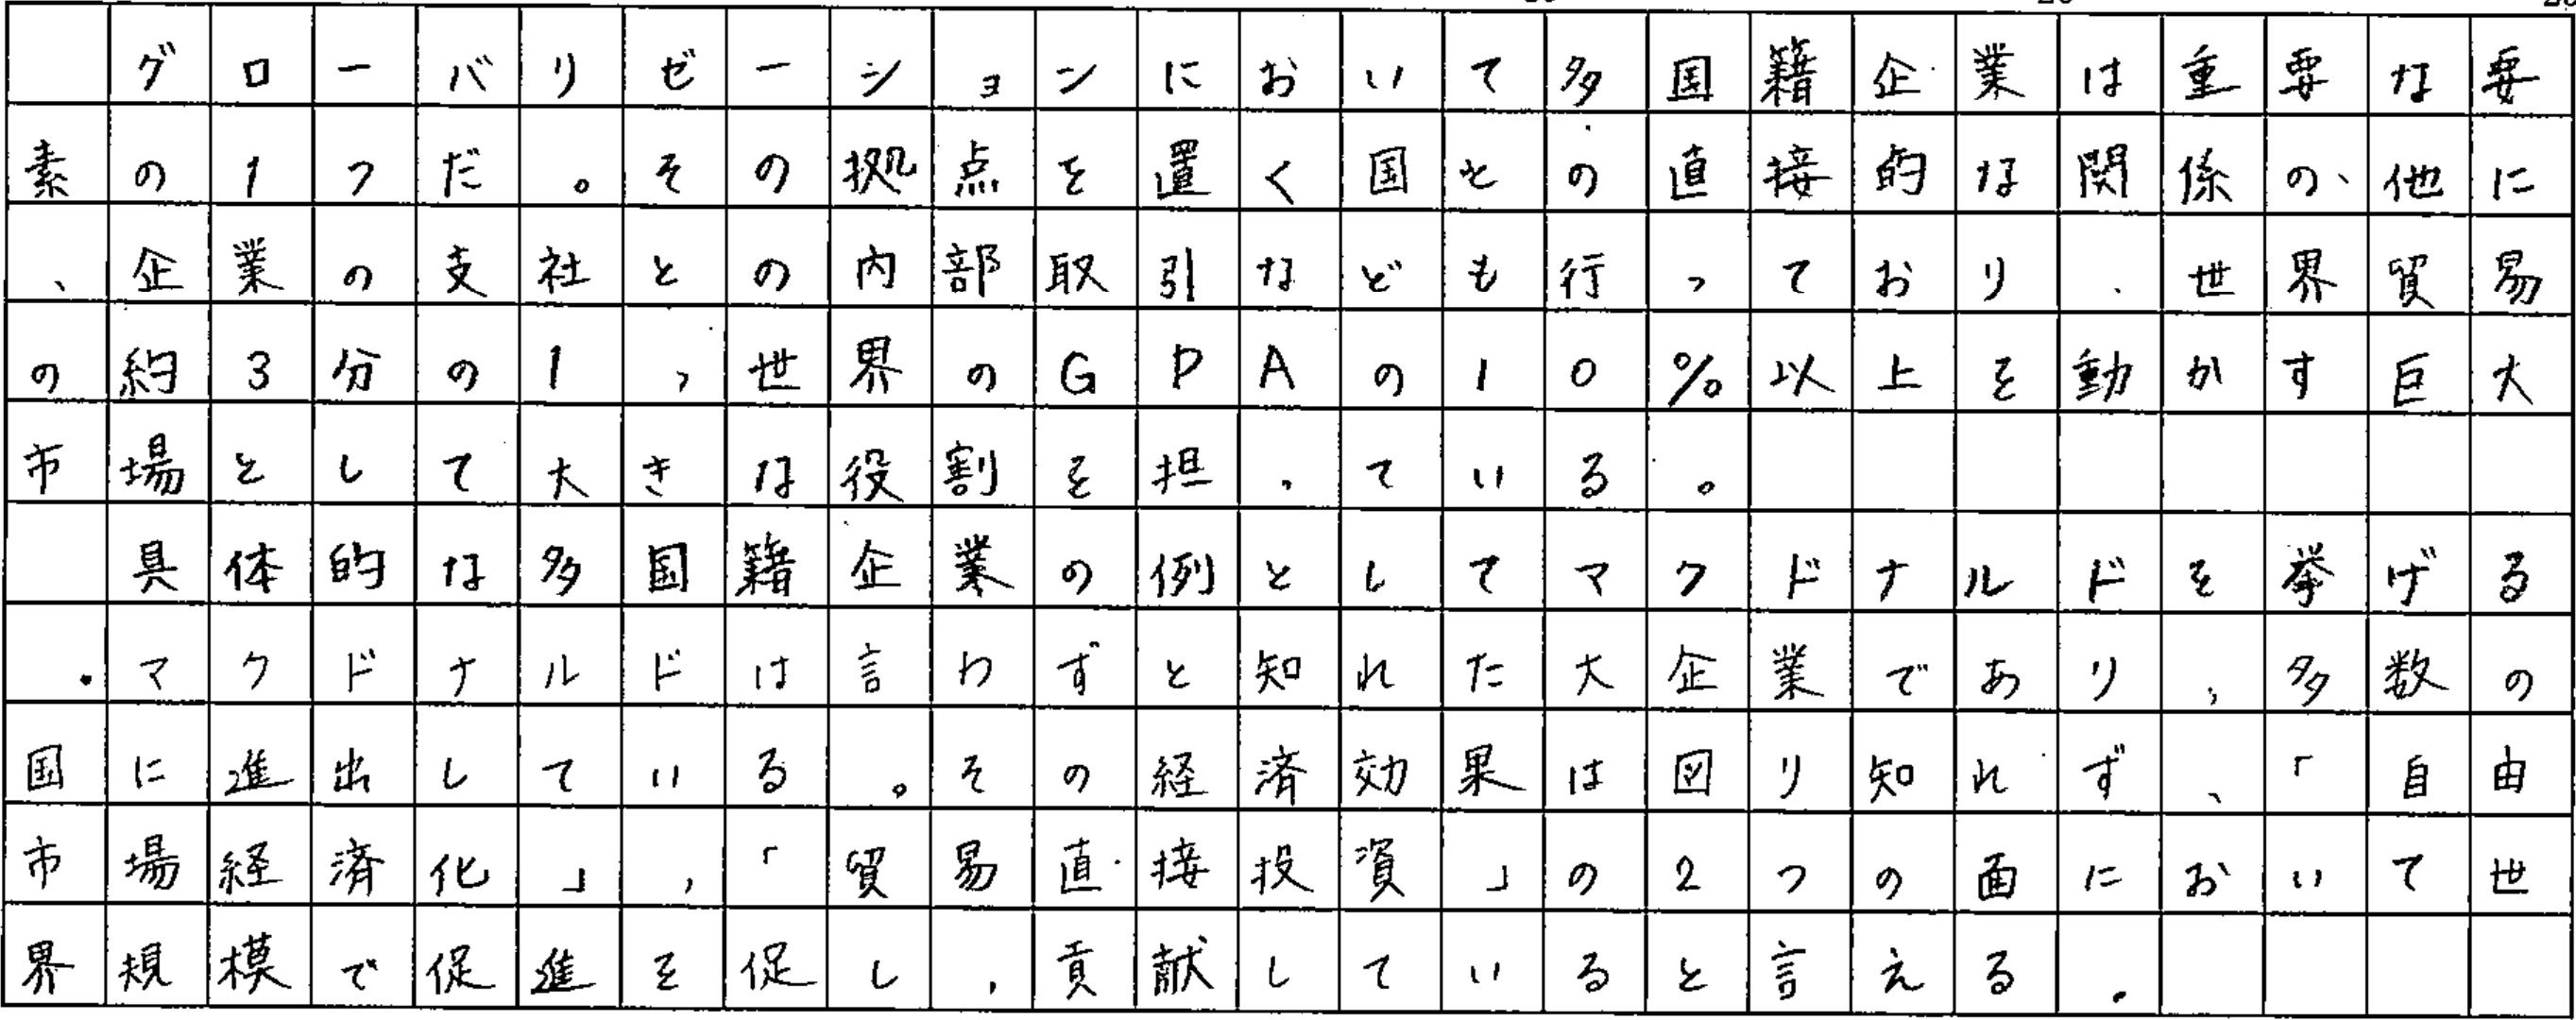　グローバリゼーションにおいて多国籍企業は重要な要素の１つだ。その拠点を置く国との直接的な関係の他に、企業の支社との内部取引なども行っており、世界貿易の約３分の１、世界のＧＰＡの１０％以上を動かす巨大市場として大きな役割を担っている。
　具体的な多国籍企業の例としてマクドナルドを挙げる。マクドナルドは言わずと知れた大企業であり、多数の国に進出している。その経済効果は図り知れず、「自由市場経済化」、「貿易直接投資」の２つの面において世界規模で促進を促し、貢献していると言える。
